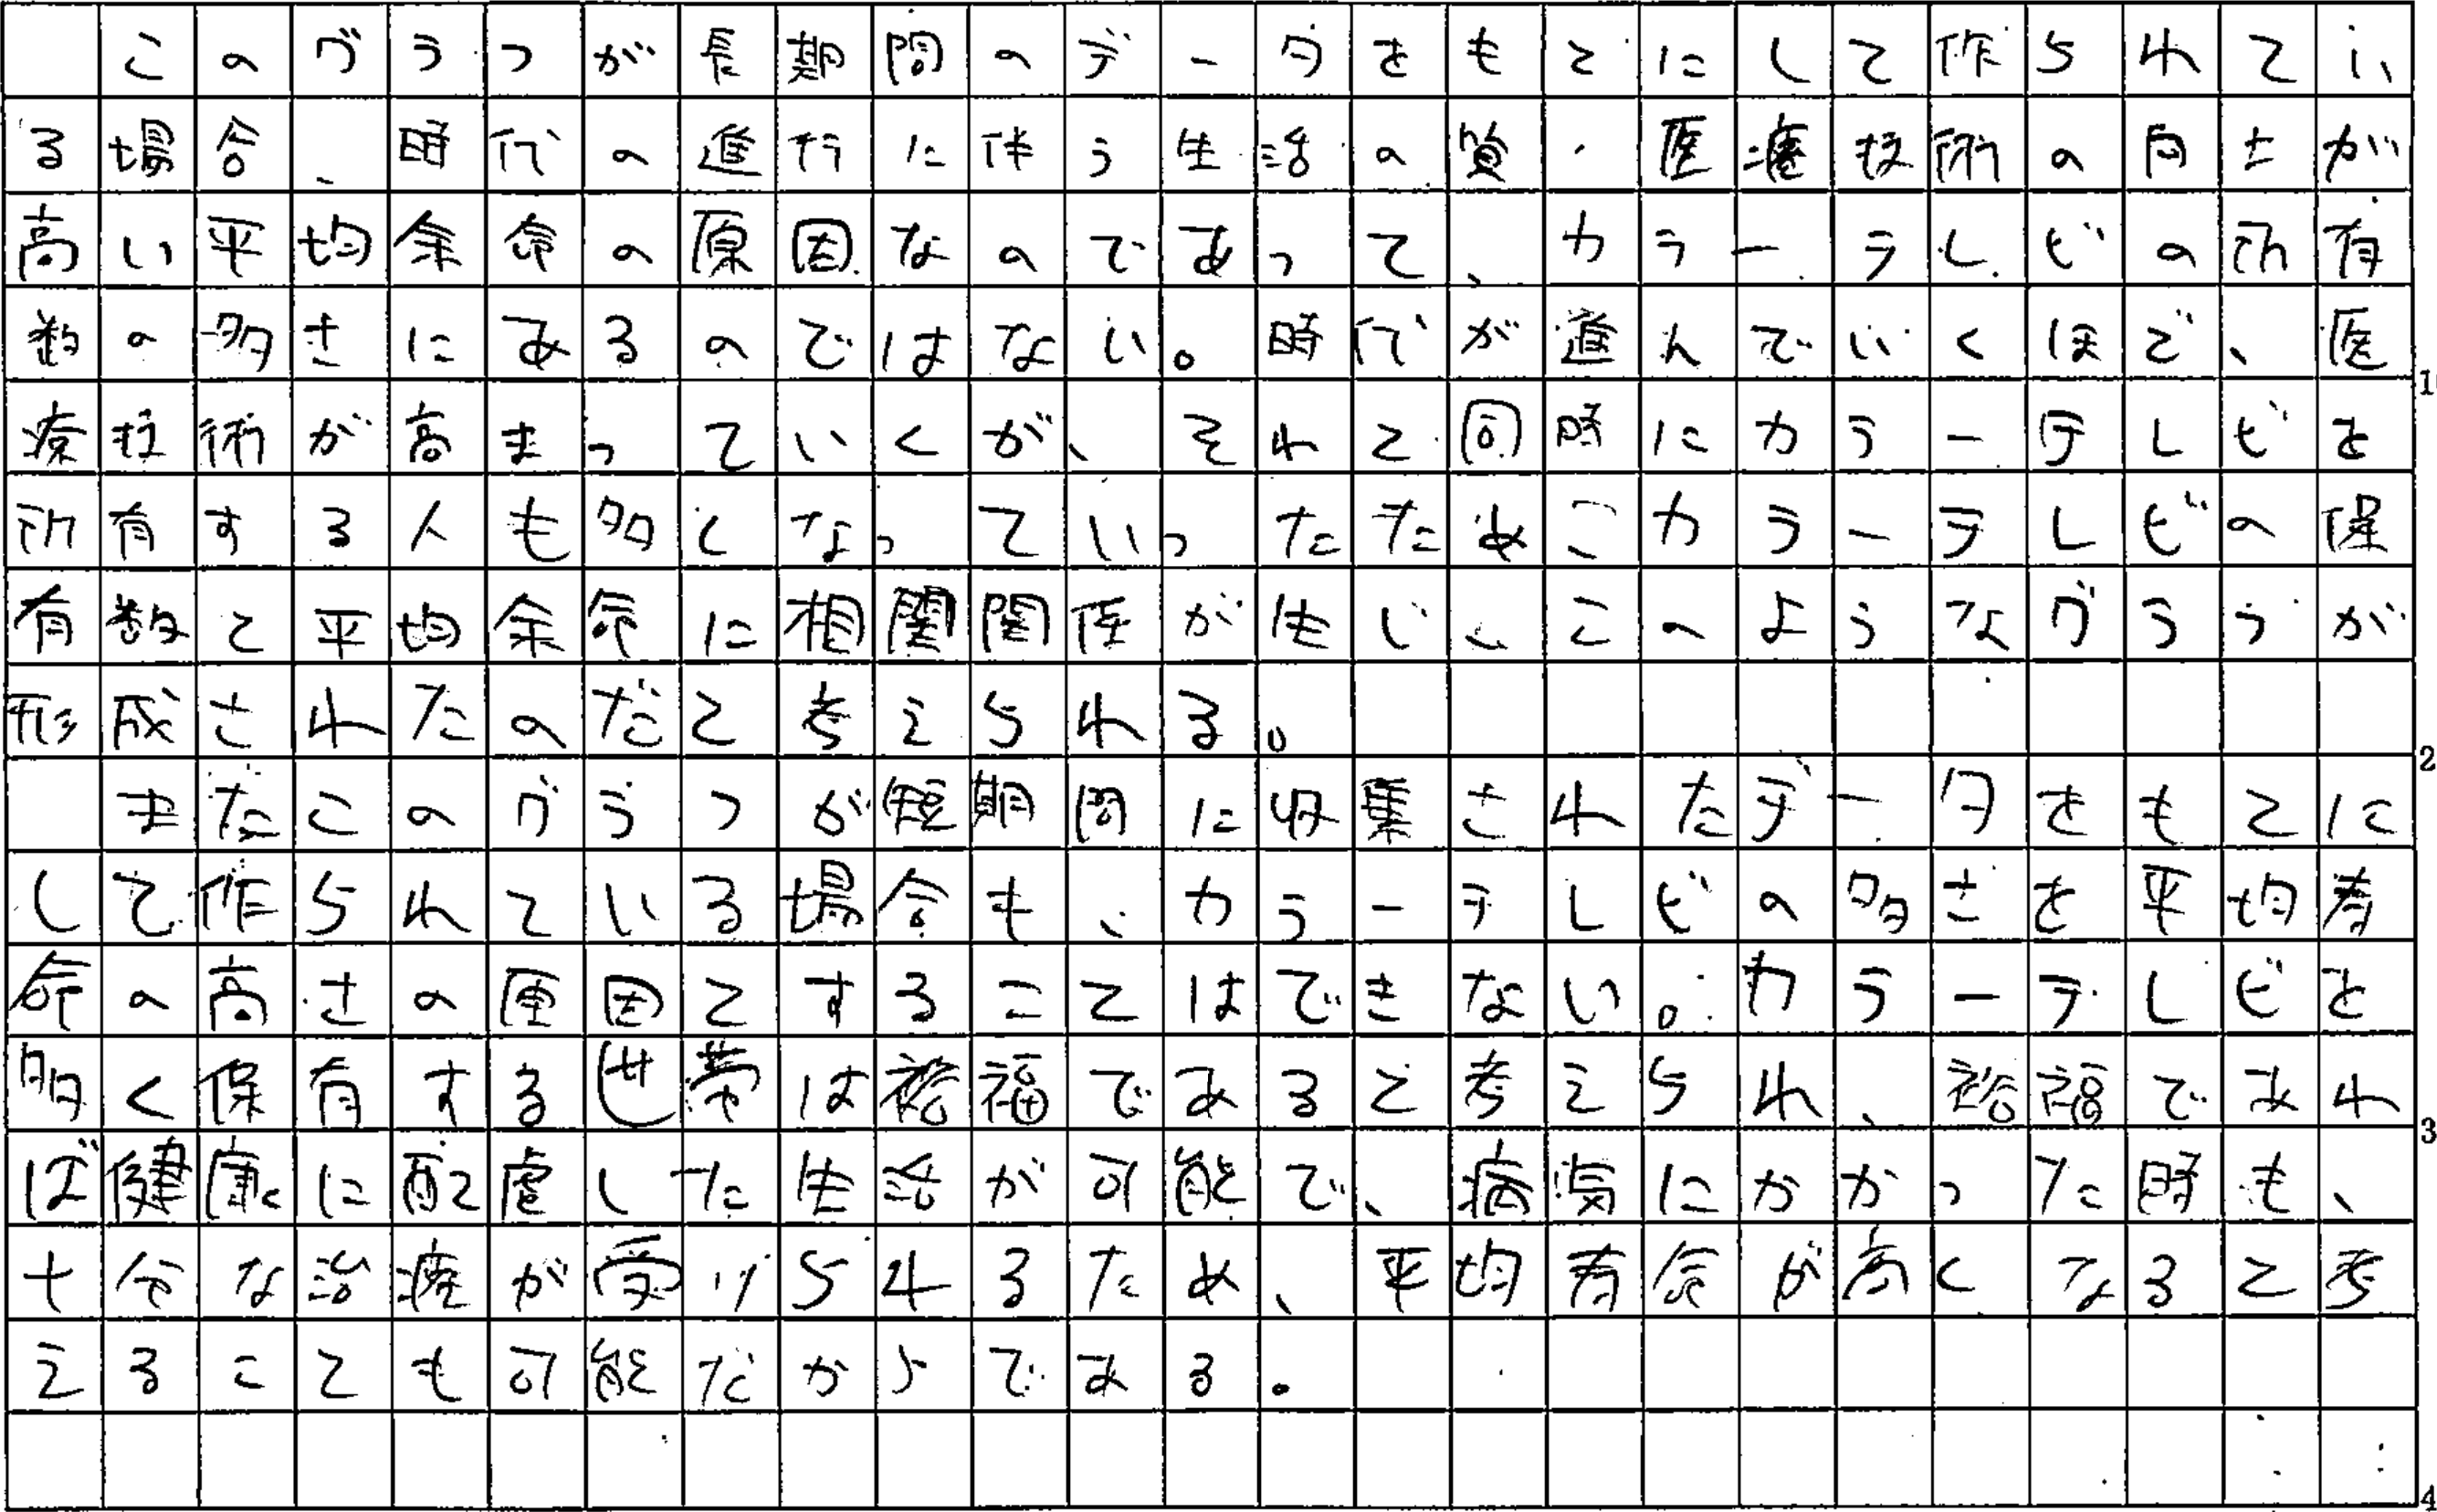　このグラフが長期間のデータをもとにして作られている場合、時代の進行に伴う生活の質・医療技術の向上が高い平均余命の原因なのであって、カラーテレビの所有数の多さにあるのではない。時代が進んでいくほど、医療技術が高まっていくが、それと同時にカラーテレビを所有する人も多くなっていったため、カラーテレビの保有数と平均余命に相関関係が生じ、このようなグラフが形成されたのだと考えられる。
　またこのグラフが短期間に収集されたデータをもとにして作られている場合も、カラーテレビの多さを平均寿命の高さの原因とすることはできない。カラーテレビを多く保有する世帯は裕福であると考えられ、裕福であれば健康に配慮した生活が可能で、病気にかかった時も、十分な治療が受けられるため、平均寿命が高くなると考えることも可能だからである。
